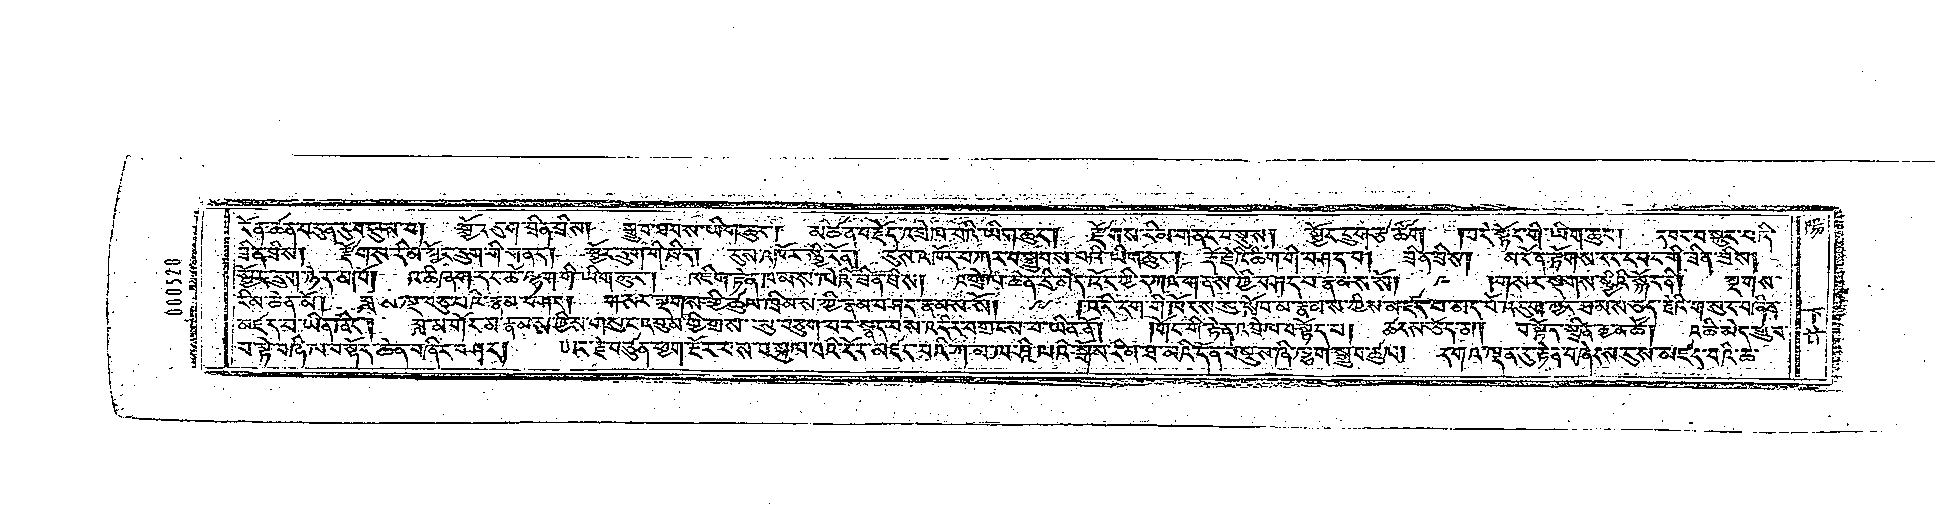དོན་ཚན་བདུན་དུ་བསྡུས་བ། སྦྱོར་དུ་གཟིན་བྲིས། སྒྲུབ་ཐབས་ཡིག་ཆུང་། མཚན་བརྗོད་འགྲེལ་པའི་ཡིག་ཆུང་། རྫོགས་རིམ་གནང་བསྡུས། སྦྱོར་དྲུག་རྩ་ཚིག །བདེ་སྟོང་གི་ཡིག་ཆུང་། དབང་བསྐུར་བའི་
ཟིན་བྲིས། རྫོགས་རིམ་སྦྱོར་དྲུག་གི་གནང་། སྦྱོར་དྲུག་གི་ཁྲིད། དུས་འཁོར་སྤྱི་དོན། དུས་འཁོར་བཀའ་བསྒྲུབས་པའི་ཡིག་ཆུང་། རྡོ་རྗེའི་ཚིག་གི་བཤད་པ། ཟིན་བྲིས། མངོན་རྟོགས་དང་དབང་གི་ཟིན་བྲིས།
སྦྱོར་དྲུག་ཉེར་མཁོ། འཆི་ཞག་དང་ཆོ་ལྷག་གི་ཡིག་ཆུང་། འཇིག་རྟེན་ཁམས་ལེའི་ཟིན་བྲིས། འགྲེལ་ཆེན་དྲི་མེད་འོད་ཀྱི་དཀའ་གནས་ཀྱི་བཤད་པ་རྣམས་སོ། ༧་།གསང་སྔགས་སྤྱིའི་སྐོར་ནི། སྔགས་
རིམ་ཆེན་མོ། བླ་མ་ལྔ་བཅུ་པའི་རྣམ་བཤད། གསང་སྔགས་ཀྱི་ཚུལ་ཁྲིམས་ཀྱི་རྣམ་བཤད་རྣམས་སོ། ༧་།འདི་དག་གི་ཁོངས་སུ་སློབ་མ་རྣམས་ཀྱིས་མཛད་པ་མད་པོ་འདུག་ཀྱང་ཐམས་ཅད་རྗེའི་གསུང་བཞིན་
མཛད་པ་ཡིན་ཞིང་། བླ་མ་གོང་མ་རྣམས་ཀྱིས་གསུང་འབུམ་གྱི་གྲས་སུ་བཅུག་པར་སྣང་བས་འདིར་བགྲངས་པ་ཡིན་ནོ། །གོང་གི་རྟེན་འབྲེལ་བསྟོད་པ། ཚངས་ཅོད་མ། བསྟོད་སྤྲིན་རྒྱ་མཚོ། འཆི་མེད་གྲུབ་
པ་སྟེ་བཞི་ལ་བསྟོད་ཆེན་བཞིར་བཤད། ཡང་རྗེ་བཙུན་ཕྱག་རྔོར་བས་བསྐུལ་བའི་ངོར་མཛད་པའི་ཀ་མ་ལ་ཤཱི་ལའི་སྒོམ་རིམ་ཐ་མའི་དོན་བསྡུས་ཞི་ལྷག་སྒྲུབ་ཚུལ། དགའ་ལྡན་དུ་རྟེན་བཞེངས་དུས་མཛད་པའི་ཆ་